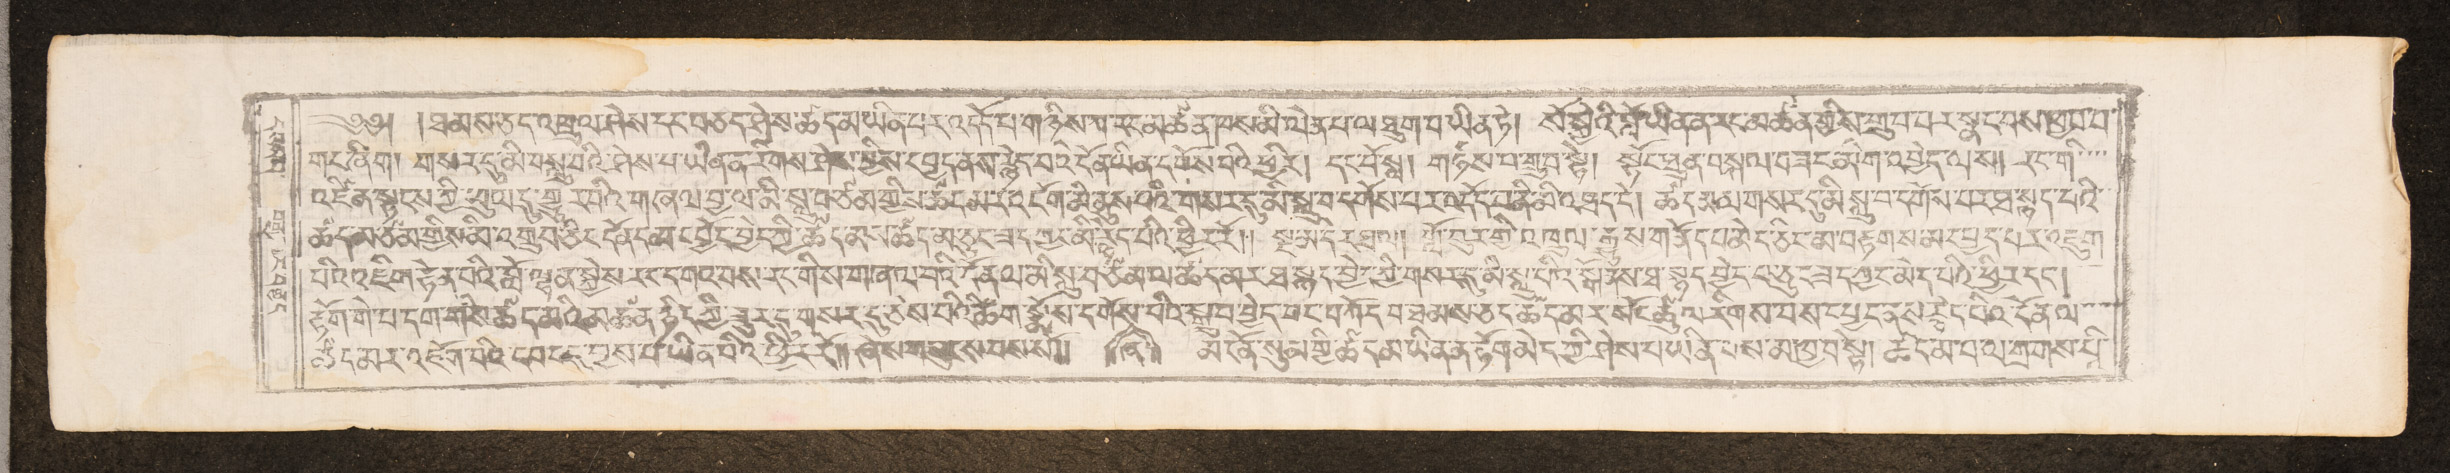༄༅། །ཐམས་ཅད་འཁྲུལ་ཤེས་དང་བཅད་ཤེས་ཚད་མ་ཡིན་པར་འདོད་པ་གཉིས་ཀ་རང་མཚན་ཁས་མི་ལེན་པ་ལ་ཐུག་པ་ཡིན་ཏེ། སོ་སྐྱེའི་བློ་ཡིན་ན་རང་མཚན་གྱིས་གྲུབ་པར་སྣང་བས་ཁྱབ་པ་
གང་ཞིག། གསར་དུ་མི་བསླུ་བའི་ཤེས་པ་ཡིན་ན་རིགས་ཤེས་ཀྱིས་དཔྱད་ནས་རྙེད་པའི་དོན་ཡིན་དགོས་པའི་ཕྱིར། དང་པོ་སླ། གཉིས་པ་གྲུག་སྟེ། སྟོང་ཐུན་བསྐལ་བཟང་མིག་འབྱེད་ལས། རང་གི་
འཛིན་སྟངས་ཀྱི་ཡུལ་དུ་གྱུར་བའི་གཞལ་བྱ་ལ་མི་སླུ་བ་ཙམ་གྱིས་ཚང་མར་འཇོག་མི་ནུས་པའི་གསར་དུ་མི་སླུ་བ་དགོས་པར་འདོད་པ་ནི་མི་འཐད་དེ། ཚད་མ་གསར་དུ་མི་སླུ་བ་དགོས་པར་ཐ་སྙད་པའི་
ཚད་མ་ཙམ་གྱིས་མི་འགྲུབ་ཅིང་དོན་དམ་དཔྱོད་བྱེད་ཀྱི་ཚད་མས་ཚད་མ་ཅུང་ཟད་ཀྱང་མི་རྙེད་པའི་ཕྱིར་རོ། །སྔ་མ་དེར་ཐལ། གློ་བུར་གྱི་འཁྲུལ་རྒྱུས་གནོད་པ་མེད་ཅིང་མ་བརྟགས་མ་དཔྱད་པར་འཇུག་
པའི་འཇིག་རྟེན་པའི་བློ་ལྷན་སྐྱེས་རང་དགའ་བས་རང་གིས་གཞལ་བའི་དོན་ལ་མི་སླུ་བ་ཙམ་ལ་ཚད་མར་ཐ་སྙད་བྱེད་ཀྱི་གསར་དུ་མི་སླུ་བའི་སྒོ་ནས་ཐ་སྙད་བྱེད་བ་ཅུང་ཟད་ཀྱང་མེད་པའི་ཕྱིར་དང་།
རྟོག་གེ་པ་དག་གིས་ཚད་མའི་མཚན་ཉིད་ཀྱི་ཟུར་དུ་གསར་དུ་ཅེས་པའི་ཚིག་སྨོས་དགོས་པའི་སྒྲུབ་བྱེད་བ་བཀོད་པ་ཐམས་ཅད་ཚད་མར་སོང་ཚུལ་རིགས་པས་དཔྱད་ནས་རྙེད་པའི་དོན་ལ་
ཚད་མར་འཇོག་པའི་དབང་དུ་བྱས་པ་ཡིན་པའི་ཕྱིར་རོ།། ཞེས་གསུངས་པས་སོ།། ༼༽ཞ༼༽ མངོན་སུམ་གྱི་ཚད་མ་ཡིན་ན་རྟོག་མེད་ཀྱི་ཤེས་པ་ཡིན་པས་མ་ཁྱབ་སྟེ། ཚད་མ་བ་ལ་གྲགས་པའི་